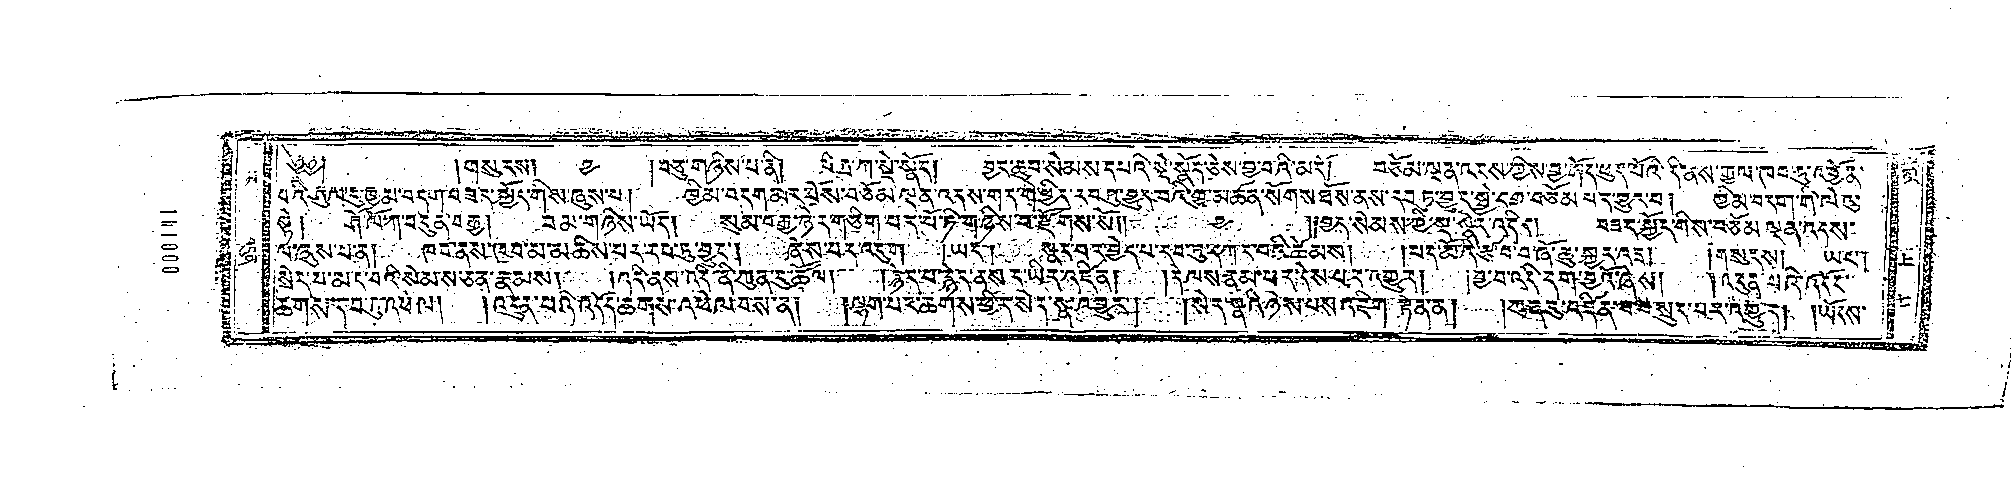༄༅། །གསུངས། ༧་།བཅུ་གཉིས་པ་ནི། པིཏྲ་ཀ་སྡེ་སྣོད། བྱང་ཆུབ་སེམས་དཔའི་སྡེ་སྣོད་ཅེས་བྱ་བའི་མདོ། བཅོམ་ལྡན་འདས་ཀྱིས་བྱ་རྒོད་ཕུང་པོའི་རི་ནས་རྒྱལ་ཁབ་ཏུ་འབྱོན་
པའི་ཤུལ་དུ་ཁྱིམ་བདག་བཟང་སྐྱོད་གིས་ཞུས་པ། ཁྱིམ་བདག་མང་པོས་བཅོམ་ལྡན་འདས་གང་གི་ཕྱིར་རབ་ཏུ་བྱུང་བའི་རྒྱུ་མཚན་སོགས་ཐོས་ནས་རབ་ཏུ་བྱུང་སྤྱི་དགྲ་བཅོམ་པར་གྱུར་པ། ཁྱིམ་བདག་གི་ལེའུ་
སྟེ། ཤོ་ལོ་ཀ་བདུན་བརྒྱ། བམ་གཉིས་ཡོད། སུམ་བརྒྱ་ཉེར་གཅིག་པར་པོ་ཏི་གཉིས་པ་རྫོགས་སོ།། ༧་།།བྱང་སེམས་ཀྱི་སྡེ་སྣོད་འདིར། བཟང་སྐྱོད་གིས་བཅོམ་ལྡན་འདས་
ལ་ཞུས་པ་ན། ཁབ་ནས་ཁབ་མ་མཆིས་པར་རབ་ཏུ་བྱུང་། ཞེས་པར་འདུག །ཡང་། སྣང་བར་བྱེད་པ་རབ་ཏུ་དཀར་བའི་ཚེམས། །པད་མོའི་རྩ་བ་བ་ཞོ་ཆུ་སྐྱ་ར་འདྲ། །གསུངས། ཡང་།
སྲིད་པ་མང་བའི་སེམས་ཅན་རྣམས། །འདི་ནས་འདི་ནི་ཀུན་དུ་ཚོལ། །རྙེད་བ་རྙེད་ནས་ང་ཡིར་འཛིན། །དེ་ལས་རྣམ་པར་ངེས་པར་འགྱུར། །བྱ་བ་འདི་དག་བྱའོ་ཞེས། །འདུན་པའི་འདོད་
ཆགས་རབ་ཏུ་འཕེལ། །འདུན་པའི་འདོད་ཆགས་འཕེལ་བས་ན། །ལྷག་པར་ཆགས་ཕྱིར་སེར་སྣང་འབྱུང་། །སེར་སྣའི་ཉེས་པས་འཇིག་རྟེན་ན། །ཀུན་དུ་འཛིན་པ་བསྲུང་པར་འགྱུར། །ཡོངས་